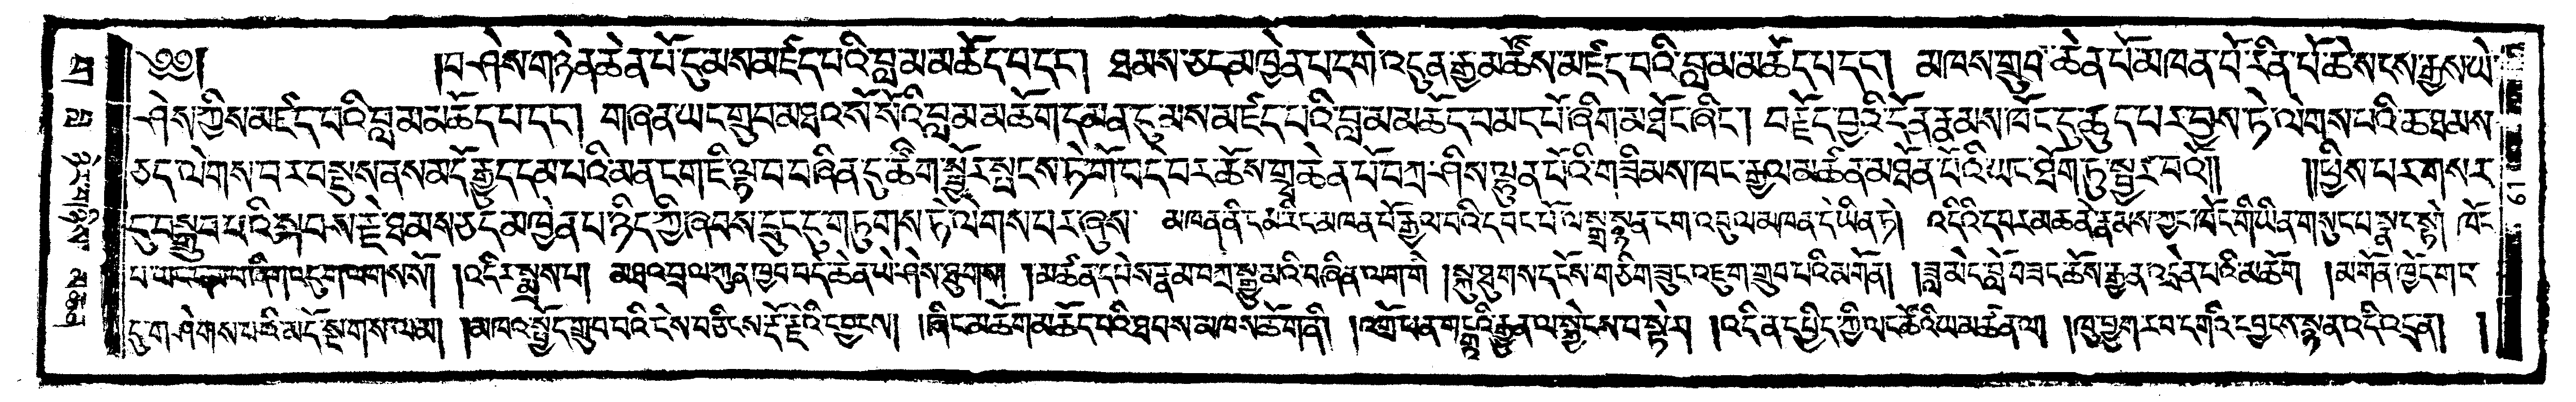༄༅། །བཤེས་གཉེན་ཆེན་པོ་དུ་མས་མཛད་པའི་བླ་མ་མཆོད་པ་དང་། ཐམས་ཅད་མཁྱེན་པ་དགེ་འདུན་རྒྱ་མཚོས་མཛད་པའི་བླ་མ་མཆོད་པ་དང་། མཁས་གྲུབ་ཆེན་པོ་མཁན་པོ་རིན་པོ་ཆེ་སངས་རྒྱས་ཡེ་
ཤེས་ཀྱིས་མཛད་པའི་བླ་མ་མཆོད་པ་དང་། གཞན་ཡང་གྲུབ་མཐའ་སོ་སོའི་བླ་མ་མཆོག་དམན་དུ་མས་མཛད་པའི་བླ་མ་མཆོད་པ་མང་པོ་ཞིག་མཐོང་ཞིང་། བརྗོད་བྱའི་དོན་རྣམས་ཁོང་དུ་ཆུད་པར་བྱས་ཏེ་ལེགས་པའི་ཆ་ཐམས་
ཅད་ལེགས་བར་བསྡུས་ནས་མདོ་རྒྱུད་དམ་པའི་མན་ངག་ཇི་ལྟ་བ་བཞིན་དུ་ཚིག་སྦྱོར་སྤངས་ཏེ་གོ་བདེ་བར་ཆོས་གྲྭ་ཆེན་པོ་བཀྲ་ཤིས་ལྷུན་པོའི་གཟིམས་ཁང་རྒྱལ་མཚན་མཐོན་པོའི་ཡང་ཐོག་ཏུ་སྦྱར་བའོ།། །།ཕྱིས་པར་གསར་
དུ་བསྒྲུབ་པའི་སྐབས་རྗེ་ཐམས་ཅད་མཁྱེན་པ་ཉིད་ཀྱི་ཞབས་དྲུང་དུ་གཏུགས་ཏེ་ལེགས་པར་ཞུས་མཁན་ནི་དམ་རིང་མཁན་པོ་རྒྱལ་བའི་དབང་པོ་ལ་སྒྲ་སྙན་ངག་འབུལ་མཁན་དེ་ཡིན་ཏེ། འདིའི་དཔར་མཆན་རྣམས་ཀྱང་ཁོང་གི་ཡིན་གསུང་པ་སྣང་སྟེ། ཁོང་
པ་ཡང་དམ་པ་ཞིག་འདུག་ལགས་སོ། །འདིར་སྨྲས་པ། མཐའ་བྲལ་ཀུན་ཁྱབ་བདེ་ཆེན་ཡེ་ཤེས་ཐུགས། །མཚན་དཔེས་རྣམ་བཀྲ་སྒྱུ་མའི་བཞིན་ལག་གི །སྐུ་ཐུགས་དངོས་གཅིག་ཟུང་འཇུག་གྲུབ་པའི་མགོན། །ཟླ་མེད་བློ་བཟང་ཆོས་རྒྱན་འདྲེན་པའི་མཆོག །མགོན་ཁྱོད་གང་
དུ་གཤེགས་པའི་མདོ་སྔགས་ལམ། །མཁའ་སྤྱོད་གྲུབ་པའི་ངེས་བཅིངས་རྡོ་རྗེའི་དབྱངས། །ཞིང་མཆོག་མཆོད་པའི་ཐབས་མཁས་ཆོ་ག་ནི། །འགྲོ་ཕན་གངྒཱའི་རྒྱུན་ལ་སྐྱེངས་པ་སྟེར། །འདི་ན་དཔྱིད་ཀྱི་ལང་ཚོའི་ཡ་མཚན་ལ། །ཁུ་བྱུག་རབ་དགའི་དབྱངས་སྙན་འདི་འདྲ་ན། །